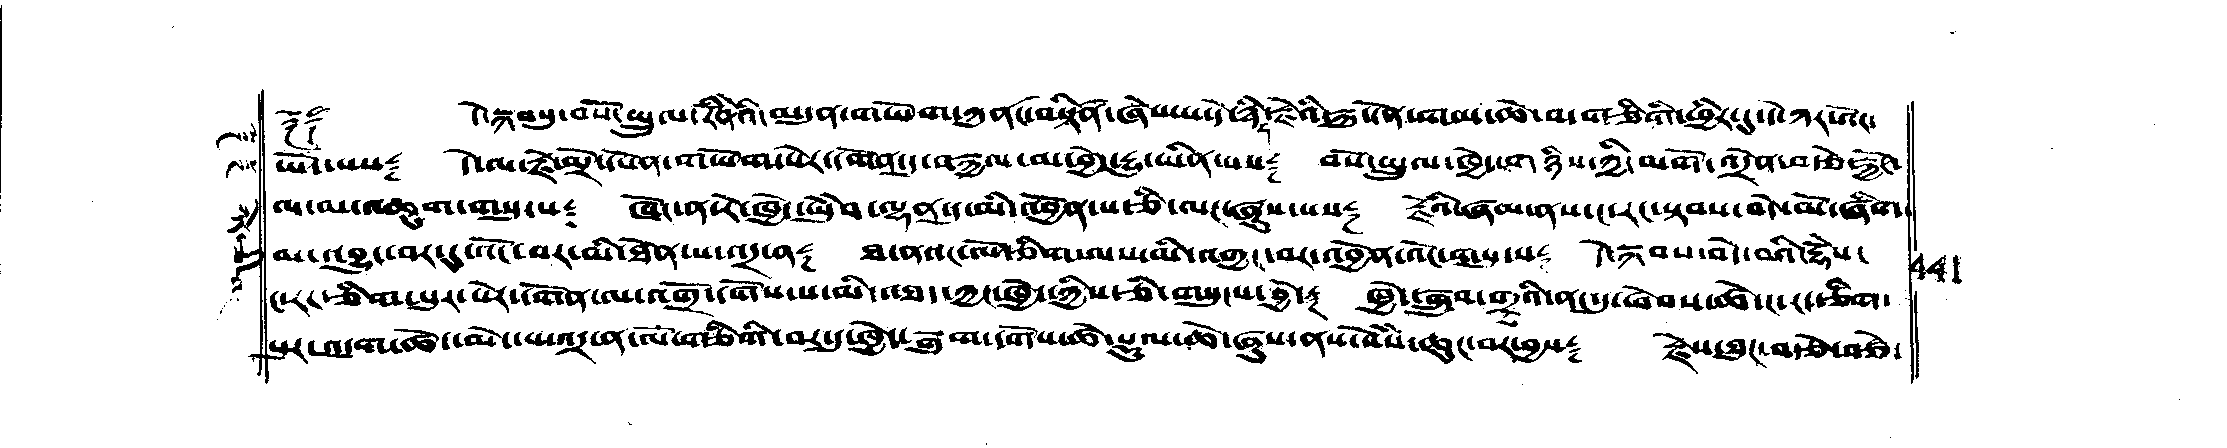དེ་སྐབས་སུ་བསོ་སྤྲུལ་རིན་པོ་ཆེའི་མདུན་གཡོག་ཀུན་བཟང་བསྟན་འཛིན་ཞེས་པ་དེ་ཉིད་རྗེའི་སྐུ་དོན་གལ་ཆེ་བ་གཅིག་གི་ཕྱིར་དུ་དེ་ཀར་འོང་
ཡོད་པས། དེ་ལ་རྗེས་མཁའ་འགྲོ་དཔོན་གཡོག་སེར་དགོན་དུ་བསྐྱལ་མ་བྱེད་རྒྱུ་ཡིན་པས། བསོ་སྤྲུལ་ཁྱེད་གཉིས་ཀྱི་མགོ་འདྲེན་བརྩེ་སྐྱོང་
ལ་མ་འཆུག་གསུངས། ཁོང་ན་རེ་ཁྱེད་ཡབ་ཡུམ་ལྷན་དུ་མི་འབྱོན་པ་ཅི་ལགས་ཞུས་པས། རྗེའི་ཞལ་ནས་ང་རང་སྟབས་བདེ་མོ་ཞིག་
མ་འབྱུང་བར་དུ་འོང་བར་མི་ཐེན་པ་འདྲ་ན། ཐ་ནའང་ལོ་གཅིག་ལས་མི་འགྱང་བར་འབྱོན་འོང་གསུངས།དེ་སྐབས་བདེ་བའི་རྡོ་རྗེས་
ང་རང་གཅིག་པུར་སེར་དགོན་ལ་འགྲོ་དགོས་པ་མི་འཐད་ཀྱང་ཁྱེད་ཀྱིས་ཅི་གསུངས་བྱེད། ཁྱེད་སྒྲུབ་གྲྭའི་ནང་དུ་ཕེབས་ཚེ་ང་རང་གཅིག་
པུར་འདུག་ཚོད་མེད་པ་འདྲ་ན། ལོ་གཅིག་གི་བར་དུ་ཁྱེད་སྒུག་དགོས་ཚེ་སྡུག་བསྔལ་ཆེ་ཞུས་ནས་སེམས་ཆུང་བར་བྱས། རྗེས་ཐུགས་བརྩེ་བརྩེ་